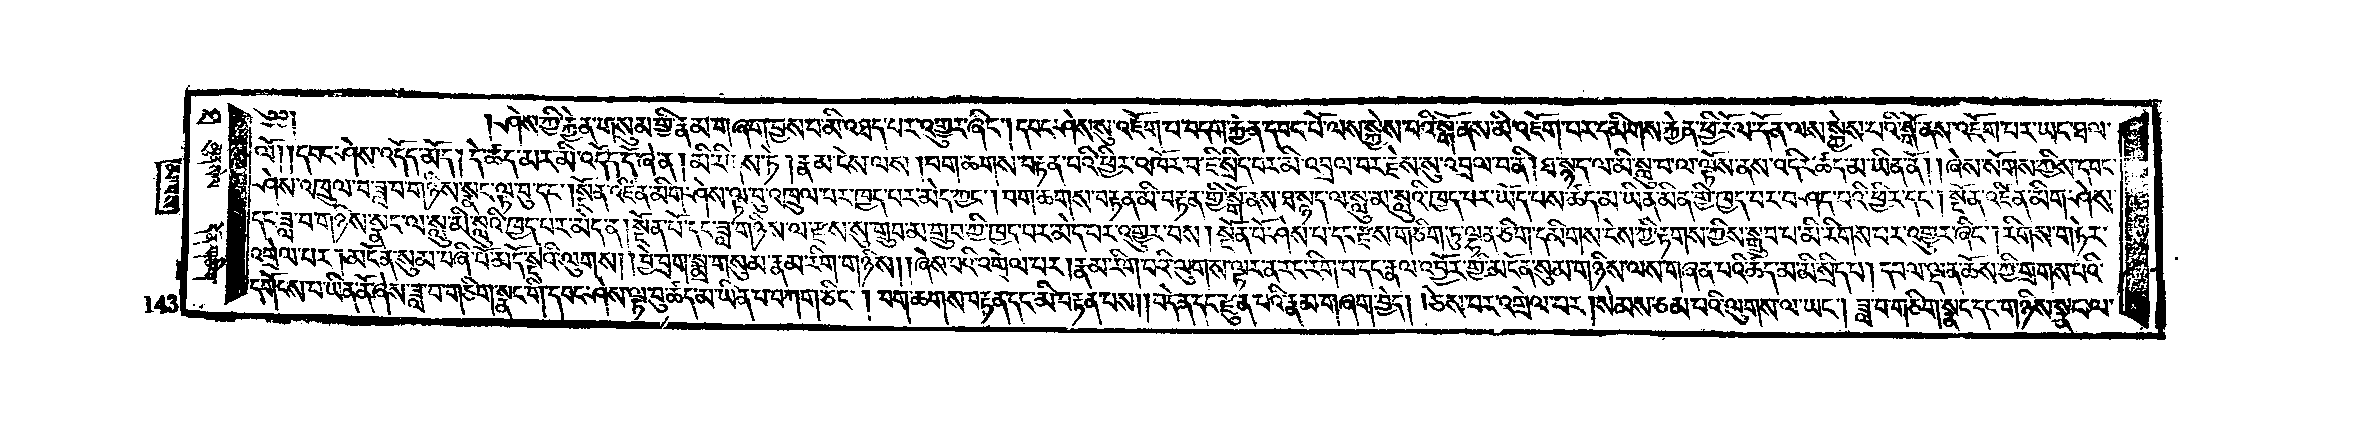༄༅། །ཤེས་ཀྱི་རྐྱེན་གསུམ་གྱི་རྣམ་གཞག་བྱས་པ་མི་འཐད་པར་འགྱུར་ཞིང་། དབང་ཤེས་སུ་འཇོག་པ་བདག་རྐྱེན་དབང་པོ་ལས་སྐྱེས་པའི་སྒོ་ནས་མི་འཇོག་པར་དམིགས་རྐྱེན་ཕྱི་རོལ་དོན་ལས་སྐྱེས་པའི་སྒོ་ནས་འཇོག་པར་ཡང་ཐལ་
ལོ། །དབང་ཤེས་འདོད་མོད། དེ་ཚད་མར་མི་འདོད་དོ་ཞེ་ན། མི་རིགས་ཏེ། རྣམ་ངེས་ལས། བག་ཆགས་བརྟན་པའི་ཕྱིར་འཁོར་བ་ཇི་སྲིད་པར་མི་འབྲལ་བར་རྗེས་སུ་འབྲལ་བ་ནི། ཐ་སྙད་ལ་མི་སླུ་བ་ལ་ལྟོས་ནས་འདིར་ཚད་མ་ཡིན་ནོ། །ཞེས་སོགས་ཀྱིས་དབང་
ཤེས་འཁྲུལ་བ་ཟླ་བ་གཉིས་སྣང་ལྟ་བུ་དང་། སྔོན་འཛིན་མིག་ཤེས་ལྟ་བུ་འཁྲུལ་པར་ཁྱད་པར་མེད་ཀྱང་། བག་ཆགས་བརྟན་མི་བརྟན་གྱི་སྒོ་ནས་ཐ་སྙད་ལ་སླུ་མི་སླུའི་ཁྱད་པར་ཡོད་པས་ཚད་མ་ཡིན་མིན་གྱི་ཁྱད་པར་བཤད་པའི་ཕྱིར་དང་། སྔོན་འཛིན་མིག་ཤེས་
དང་ཟླ་བ་གཉིས་སྣང་ལ་སླུ་མི་སླུའི་ཁྱད་པར་མེད་ན། སྔོན་པོ་དང་ཟླ་གཉིས་ལ་རྫས་སུ་གྲུབ་མ་གྲུབ་ཀྱི་ཁྱད་པར་མེད་པར་འགྱུར་བས། སྔོན་པོ་ཤེས་པ་དང་རྫས་གཅིག་ཏུ་ལྷན་ཅིག་དམིགས་ངེས་ཀྱི་རྟགས་ཀྱིས་སྒྲུབ་པ་མི་རིགས་པར་འགྱུར་ཞིང་། རིགས་གཏེར་
འགྲེལ་པར། མངོན་སུམ་བཞི་པོ་མདོ་སྡེའི་ལུགས། །བྱེ་བྲག་སྨྲ་གསུམ་རྣམ་རིག་གཉིས། །ཞེས་པའི་འགྲེལ་པར། རྣམ་རིག་པའི་ལུགས་ལྟར་ན་རང་རིག་པ་དང་རྣལ་འབྱོར་གྱི་མངོན་སུམ་གཉིས་ལས་གཞན་པའི་ཚད་མ་མི་སྲིད་པ། དཔལ་ལྡན་ཆོས་ཀྱི་གྲགས་པའི་
དགོངས་པ་ཡིན་ནོ་ཞེས་ཟླ་བ་གཅིག་སྣང་གི་དབང་ཤེས་ལྟ་བུ་ཚད་མ་ཡིན་པ་བཀག་ཅིང་། བག་ཆགས་བརྟན་དང་མི་བརྟན་པས། །བདེན་དང་རྫུན་པའི་རྣམ་གཞག་བྱེད། །ཅེས་པར་འགྲེལ་པར། སེམས་ཙམ་པའི་ལུགས་ལ་ཡང་། ཟླ་བ་གཅིག་སྣང་དང་གཉིས་སྣང་ལ་